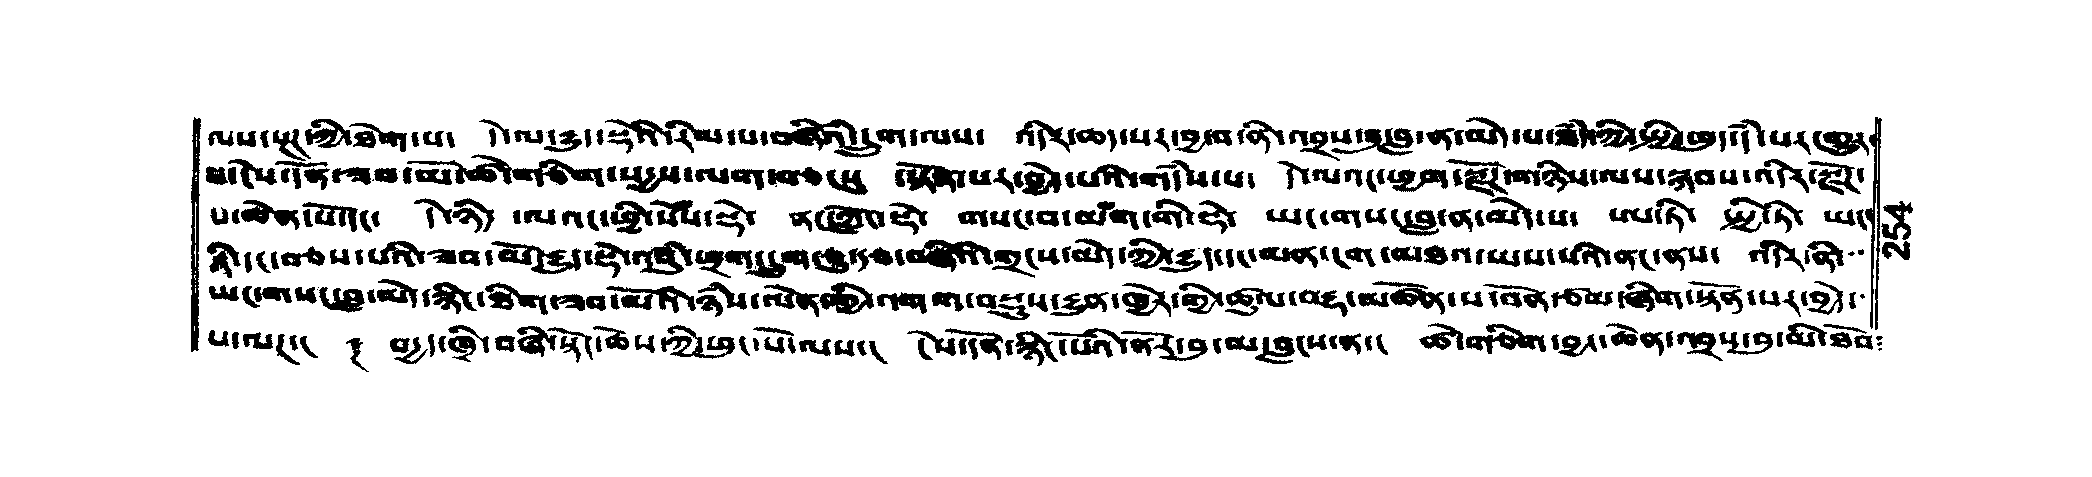ལས་སྔགས་ཀྱི་ཐེག་པ། དེ་ལ་རྒྱུད་སྡེའི་རིམ་པ་བཞིའམ་དྲུག་ལས། འདིར་འཆད་པར་བྱ་བ་ནི་འབྲས་བུ་བླ་ན་མེད་པ་ཐམས་ཅད་ཀྱི་སྤྱི་ཕུད་དམ་པར་གྱུར་
བ་ངེས་དོན་ཟབ་མོ་ཚེ་གཅིག་སངས་རྒྱས་ལག་བཅངས་སུ་སྟོན་པར་བྱེད་པའི་གདམས་པ། དེ་ལའང་ཕྱག་རྫོགས་གཉིས་ལས་སྐབས་འདིར་རྫོགས་
པ་ཆེན་པོ་དང་། དེ་ཉིད་ལའང་ཕྱི་སེམས་སྡེ། ནང་ཀློང་སྡེ། གསང་བ་མན་ངག་གི་སྡེ། ཡང་གསང་བླ་ན་མེད་པ་ཨ་ཏི། སྤྱི་ཏི། ཡང་
ཏི་དང་བཅས་པའི་ཟབ་མོའི་རྒྱུད་སྡེ་འབུམ་ཕྲག་དྲུག་ཅུ་རྩ་བཞིའི་གྲངས་མེད་ཀྱི་རྒྱུད་དང་མན་ངག་མཐའ་ཡས་པའི་ནང་ནས། འདིར་ནི་
ཡང་གསང་བླ་མེད་སྙིང་ཐིག་ཟབ་མོའི་ཉམས་ལེན་གྱི་འགག་བསྡུས་རྒྱུན་ཁྱེར་གྱི་ཚུལ་བརྡ་མཚོན་ས་བོན་ཙམ་ཞིག་སྟོན་པར་བྱེད་
པ་ལགས།༈ བརྒྱད་ཁྲི་བཞི་སྟོང་ཆོས་ཀྱི་ཕུང་པོ་ལས། །ངེས་དོན་སྙིང་པོའི་ནོར་བུ་མ་བླངས་ན། །ཚེ་གཅིག་བྱང་ཆེན་འབྲས་བུ་མི་ཐོབ་